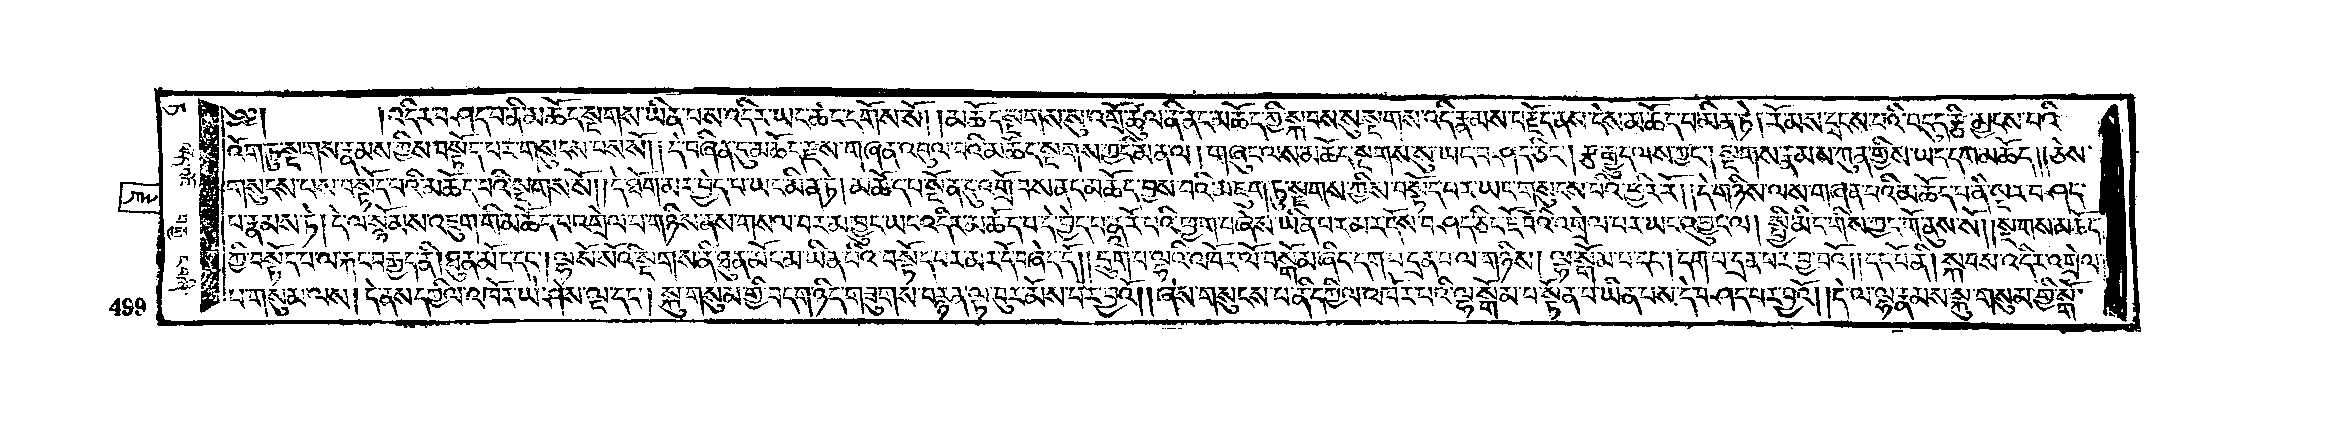༄༅། །འདིར་བཤད་པ་ནི་མཆོད་སྔགས་ཡིན་པས་འདིར་ཡང་ཚང་དགོས་སོ། །མཆོད་སྔགས་སུ་འགྲོ་ཚུལ་ནི་ནང་མཆོད་ཀྱི་སྐབས་སུ་སྔགས་འདི་རྣམས་བརྗོད་ནས་དེས་མཆོད་པ་མིན་ཏེ། རོ་མས་དྲངས་པའི་བདུད་རྩི་མྱངས་པའི་
འོག་ཏུ་སྔགས་རྣམས་ཀྱིས་བསྟོད་པར་གསུངས་པས་སོ། །དེ་བཞིན་དུ་མཆོད་རྫས་གཞན་འབུལ་བའི་མཆོད་སྔགས་ཀྱང་མིན་ལ། གཞུང་ལས་མཆོད་སྔགས་སུ་ཡང་བཤད་ཅིང་། རྩ་རྒྱུད་ལས་ཀྱང་། སྔགས་རྣམས་ཀུན་གྱིས་ཡང་དག་མཆོད། །ཅེས་
གསུངས་པས་བསྟོད་པའི་མཆོད་པའི་སྔགས་སོ། །དེ་ཐོག་མར་བྱེད་པ་ཡང་མིན་ཏེ། མཆོད་པ་སྔོན་དུ་འགྲོ་བས་ནང་མཆོད་བྱས་པའི་མཇུག་ཏུ་སྔགས་ཀྱིས་བསྟོད་པར་ཡང་གསུངས་པའི་ཕྱིར་རོ། །དེ་གཉིས་ལས་གཞན་པའི་མཆོད་པ་ནི་སྔར་བཤད་
པ་རྣམས་ཏེ། དེ་ལ་སྙོམས་འཇུག་གི་མཆོད་པ་འགྲེལ་པ་གཉིས་ནས་གསལ་བར་མ་བྱུང་ཡང་འདིར་མཆོད་པ་དེ་བྱེད་པ་ནཱ་རོ་པའི་ཕྱག་བཞེས་ཡིན་པར་མར་དོས་བཤད་ཅིང་ཇོ་བོའི་འགྲེལ་པར་ཡང་འབྱུང་ལ། སྤྱི་མིང་གིས་ཀྱང་གོ་ནུས་སོ། །སྔགས་མཆོད་
ཀྱི་བསྟོད་པ་ལ་རྐང་བརྒྱད་ནི། ཐུན་མོང་དང་། ལྷ་སོ་སོའི་སྔགས་ནི་ཐུན་མོང་མ་ཡིན་པའི་བསྟོད་པར་མར་དོ་བཞེད་དོ། །དྲུག་པ་ལྷའི་འཁོར་ལོ་བསྒོམ་ཞིང་དག་པ་དྲན་པ་ལ་གཉིས། ལྷ་སྒོམ་པ་དང་། དག་པ་དྲན་པར་བྱ་བའོ། །དང་པོ་ནི། སྐབས་འདིར་འགྲེལ་
པ་གསུམ་ལས། དེ་ནས་དཀྱིལ་འཁོར་ཡེ་ཤེས་ལྔ་དང་། སྐུ་གསུམ་གྱི་བདག་ཉིད་གཟུགས་བརྙན་ལྟ་བུར་མོས་པར་བྱའོ། །ཞེས་གསུངས་པ་ནི་དཀྱིལ་འཁོར་པའི་ལྷ་སྒོམ་པ་སྟོན་པ་ཡིན་པས་དེ་བཤད་པར་བྱའོ། །དེ་ལ་ལྷ་རྣམས་སྐུ་གསུམ་གྱི་སྒོ་